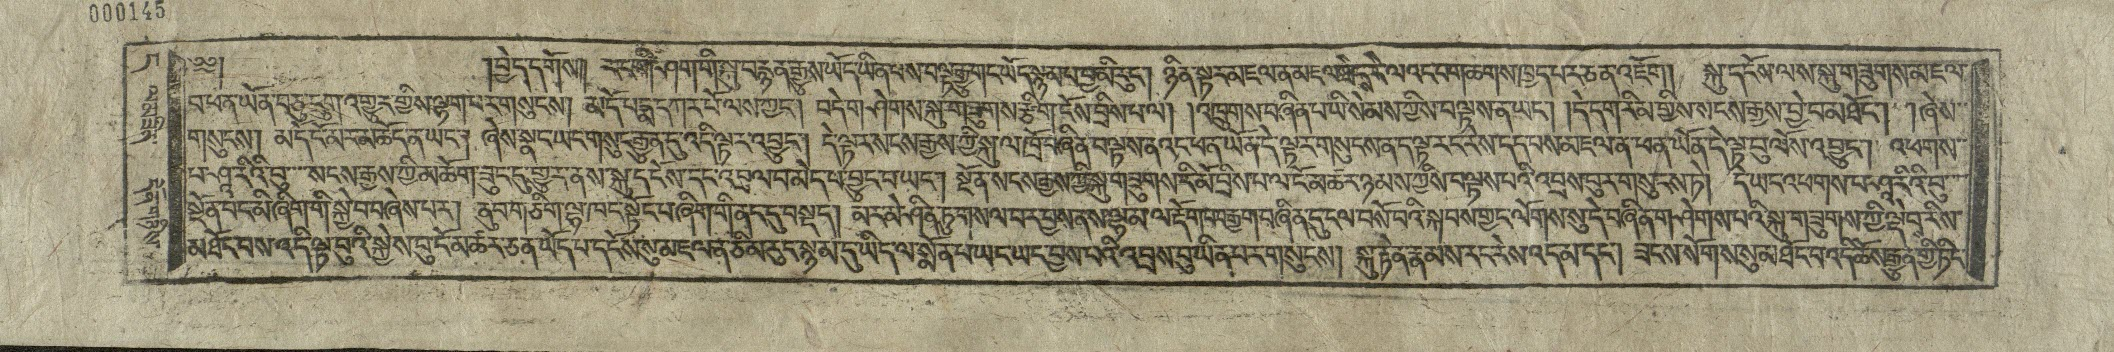༄༅། །བྱེད་དགོས། རང་གི་ཤག་གི་སྐུ་བརྙན་རྒྱུས་ཡོད་ཡིན་པས་བལྟ་རྒྱུ་གང་ཡོད་སྙམ་པ་བྱ་མི་རུང་། ཉིན་སྟར་མཇལ་ན་མཇལ་ཐེངས་རེ་ལའང་བག་ཆགས་ཁྱད་པར་ཅན་འཇོག་སྐུ་དངོས་ལས་སྐུ་གཟུགས་མཇལ་
བ་ཕན་ཡོན་བཅུ་དྲུག་འགྱུར་གྱིས་ལྷག་པར་གསུངས། མདོ་པད་མ་དཀར་པོ་ལས་ཀྱང་། བདེ་གཤེགས་སྐུ་གཟུགས་རྩིག་ངོས་བྲིས་པ་ལ། །འཁྲུགས་བཞིན་པ་ཡི་སེམས་ཀྱིས་བལྟས་ན་ཡང་། །དེ་དག་རིམ་གྱིས་སངས་རྒྱས་བྱེ་བ་མཐོང་། །ཞེས་
གསུངས། མདོ་ངོ་མར་མཆོད་ན་ཡང་། ཞེས་སྣང་ཡང་གསུང་རྒྱུན་དུ་འདི་ལྟར་འབྱུང་། དེ་ལྟར་སངས་རྒྱས་ཀྱི་སྐུ་ལ་ཁྲོ་བཞིན་བལྟས་ནའང་ཕན་ཡོན་དེ་ལྟར་གསུངས་ན་ད་ལྟ་རང་རེས་དད་པས་མཇལ་ན་ཕན་ཡོན་དེ་ལྟ་བུ་ལོས་འབྱུང་། འཕགས་
པ་ཤཱ་རིའི་བུ་སངས་རྒྱས་ཀྱི་མཆོག་ཟུང་དུ་གྱུར་ནས་སྐུ་དངོས་དང་འབྲལ་བ་མེད་པ་བྱུང་བ་ཡང་། སྔོན་སངས་རྒྱས་ཀྱི་སྐུ་གཟུགས་རི་མོ་བྲིས་པ་ལ་ངོ་མཚར་ཉམས་ཀྱིས་བལྟས་པའི་འབྲས་བུར་གསུངས་ཏེ། དེ་ཡང་འཕགས་པ་ཤཱ་རིའི་བུ་
སྔོན་བང་མི་ཞིག་གི་སྐྱེ་བ་བཞེས་པར། ནུབ་གཅིག་ལྷ་ཁང་སྟོང་པ་ཞིག་གི་ནང་དུ་བསྡད། མར་མེ་ཤིན་ཏུ་གསལ་བར་བྱས་ནས་ལྷམ་ལ་རྡོག་པ་བརྒྱག་བཞིན་དུ་ངལ་བསོ་བའི་སྐབས་གྱང་ལོགས་སུ་དེ་བཞིན་གཤེགས་པའི་སྐུ་གཟུགས་ཀྱི་ལྡེབས་རིས་
མཐོང་བས་འདི་ལྟ་བུའི་སྐྱེས་བུ་ངོ་མཚར་ཅན་ཡོད་པ་དངོས་སུ་མཇལ་ན་ཅི་མ་རུང་སྙམ་དུ་ཡིད་ལ་སྨོན་པ་ཡང་ཡང་བྱས་པའི་འབྲས་བུ་ཡིན་པར་གསུངས། སྐུ་རྟེན་རྣམས་རང་རེས་འདམ་དང་། ཟངས་སོགས་སུ་མཐོང་བ་འདི་ཆོས་རྒྱུན་གྱི་ཏིང་